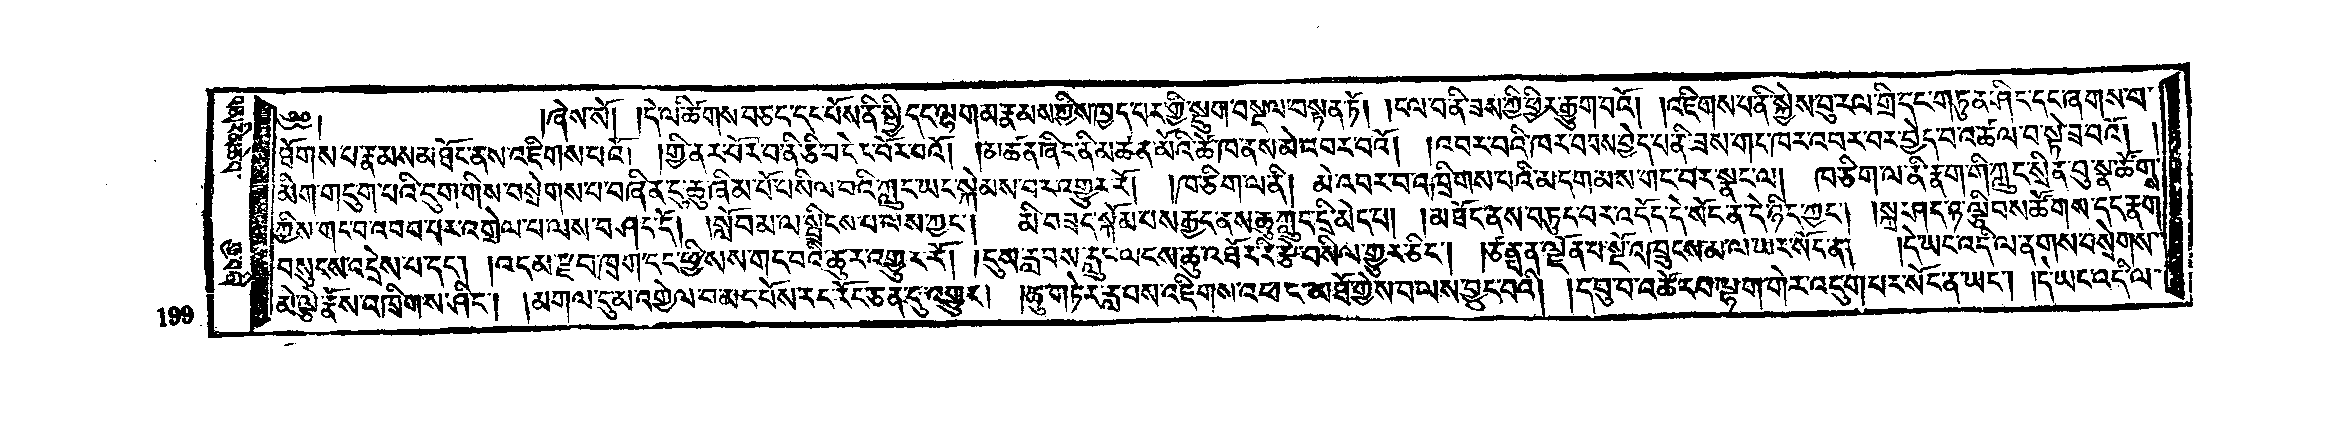༄༅། །ཞེས་སོ། །དེ་ལ་ཚིགས་བཅད་དང་པོས་ནི་སྤྱི་དང་ལྷག་མ་རྣམས་ཀྱིས་ཁྱད་པར་གྱི་སྡུག་བསྔལ་བསྟན་ཏོ། །ངལ་བ་ནི་ཟས་ཀྱི་ཕྱིར་རྒྱུག་པའོ། །འཇིགས་པ་ནི་སྐྱེས་བུ་རལ་གྲི་དང་གཏུན་ཤིང་དང་ཞགས་པ་
ཐོགས་པ་རྣམས་མཐོང་ནས་འཇིགས་པའོ། །གྱི་ནར་བོར་བ་ནི་ཅི་བདེར་བོར་བའོ། །མཚན་ཞིང་ནི་མཚན་མོའི་ཚེ་ཁ་ནས་མེ་འབར་བའོ། །འབར་བའི་ཁར་བབས་བྱེད་པ་ནི་ཟས་གང་ཁར་འབར་བར་བྱེད་པ་འཚལ་བ་སྟེ་ཟ་བའོ། །
མིག་གདུག་པའི་དུག་གིས་བསྲེགས་པ་བཞིན་དུ་ཆུ་ཞིམ་པོ་བསིལ་བའི་ཀླུང་ཡང་སྐེམས་པར་འགྱུར་རོ། །ཁ་ཅིག་ལ་ནི། མེ་འབར་བ་འཁྲིགས་པའི་མདག་མས་གང་བར་སྣང་ལ། ཁ་ཅིག་ལ་ནི་རྣག་གི་ཀླུང་སྲིན་བུ་སྣ་ཚོགས་
ཀྱིས་གང་བ་འབབ་པར་འགྲེལ་པ་ལས་བཤད་དོ། །སློབ་མ་ལ་སྤྲིངས་པ་ལས་ཀྱང་། མི་བཟད་སྐོམ་པས་རྒྱང་ནས་ཆུ་ཀླུང་དྲི་མེད་པ། །མཐོང་ནས་བཏུང་བར་འདོད་དེ་སོང་ན་དེ་ཉིད་ཀྱང་། །སྐྲ་ཤད་ཉ་ལྕིབས་ཚོགས་དང་རྣག་
བསུངས་འདྲེས་པ་དང་། །འདམ་རྫབ་ཁྲག་དང་ཕྱི་སས་གང་བའི་ཆུར་འགྱུར་རོ། །དུས་རླབས་རླུང་ལངས་ཆུ་འཐོར་རི་རྩེ་བསིལ་གྱུར་ཅིང་། །ཙནྡན་ལྗོ་ན་པ་སྔོ་འཁྲུངས་མ་ལ་ཡར་སོང་ན། །དེ་ཡང་འདི་ལ་ནགས་བསྲེགས་
མེ་ལྕེ་རྣོས་འཁྲིགས་ཤིང་། །མགལ་དུམ་འགྱེལ་བ་མང་པོས་རང་རོང་ཅན་དུ་འགྱུར། །ཆུ་གཏེར་རླབས་འཇིགས་འཕང་མཐོ་གྱེས་པ་ལས་བྱུང་བའི། །དབུ་བ་འཚེར་བ་ལྷག་གེར་འདུག་པར་སོང་ན་ཡང་། །དེ་ཡང་འདི་ལ་